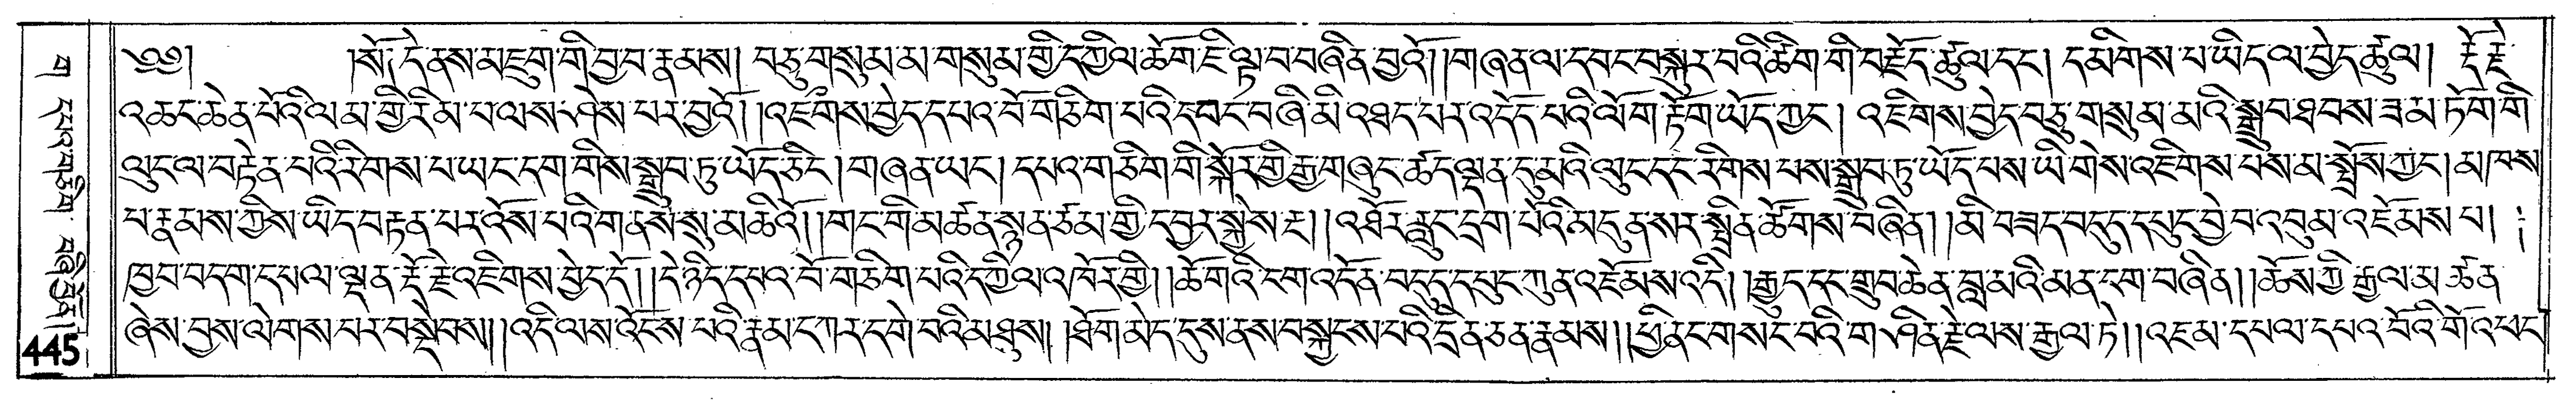༄༅། །སོ༑ དེ་ནས་མཇུག་གི་བྱ་བ་རྣམས། བཅུ་གསུམ་མ་གསུམ་གྱི་དཀྱིལ་ཆོག་ཇི་ལྟ་བ་བཞིན་བྱའོ། །གཞན་ལ་དབང་བསྐུར་བའི་ཚིག་གི་བརྗོད་ཚུལ་དང་། དམིགས་པ་ཡིད་ལ་བྱེད་ཚུལ། རྡོ་རྗེ་
འཆང་ཆེན་པོའི་ལམ་གྱི་རིམ་པ་ལས་ཤེས་པར་བྱའོ། །འཇིགས་བྱེད་དཔའ་བོ་གཅིག་པའི་དབང་བཞི་མི་འཐད་པར་འདོད་པའི་ལོག་རྟོག་ཡོད་ཀྱང་། འཇིགས་བྱེད་བཅུ་གསུམ་མའི་སྒྲུབ་ཐབས་ཟ་མ་ཏོག་གི་
ལུང་ལ་བརྟེན་པའི་རིགས་པ་ཡང་དག་གིས་སྒྲུབ་ཏུ་ཡོད་ཅིང་། གཞན་ཡང་། དཔའ་གཅིག་གི་སྐོར་གྱི་རྒྱ་གཞུང་ཚད་ལྡན་དུ་མའི་ལུང་དང་རིགས་པས་སྒྲུབ་ཏུ་ཡོད་པས་ཡི་གེས་འཇིགས་པས་མ་སྤྲོས་ཀྱང་། མཁས་
པ་རྣམས་ཀྱིས་ཡིད་བརྟན་པར་འོས་པའི་གནས་སུ་མཆིའོ། །གང་གི་མཚན་སྙན་ཙམ་གྱི་དབྱར་སྐྱེས་རྔ། །འཐོར་རླུང་དྲག་པོའི་མདུན་སར་སྤྲིན་ཚོགས་བཞིན། །མི་བཟད་བདུད་དཔུང་བྱེ་བ་འབུམ་འཇོམས་པ། །
ཁྱབ་བདག་དཔལ་ལྡན་རྡོ་རྗེ་འཇིགས་བྱེད་དོ། །དེ་ཉིད་དཔའ་བོ་གཅིག་པའི་དཀྱིལ་འཁོར་གྱི། །ཆོ་གའི་ངག་འདོན་བདུད་དཔུང་ཀུན་འཇོམས་འདི། །རྒྱུད་དང་གྲུབ་ཆེན་བླ་མའི་མན་ངག་བཞིན། །ཆོས་ཀྱི་རྒྱལ་མཚན་
ཞེས་བྱས་ལེགས་པར་བསྡེབས། །འདི་ལས་འོངས་པའི་རྣམ་དཀར་དགེ་བའི་མཐུས། །ཐོག་མེད་དུས་ནས་བསྐྱངས་པའི་དྲིན་ཅན་རྣམས། །ཕྱི་ནང་གསང་བའི་གཤིན་རྗེ་ལས་རྒྱལ་ཏེ། །འཇམ་དཔལ་དཔའ་བོའི་གོ་འཕང་